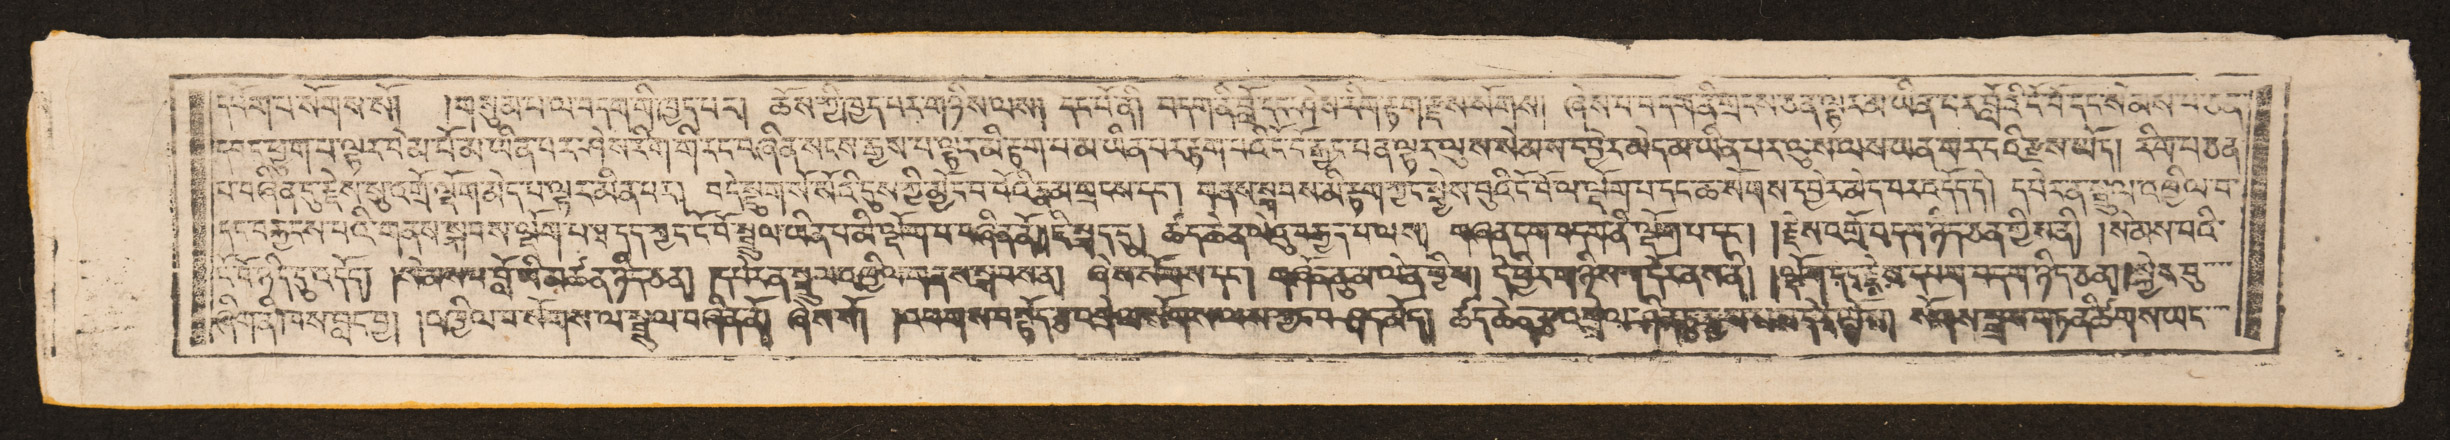དཔོག་པ་སོགས་སོ། །གསུམ་པ་ལ་བདག་གི་ཁྱད་པར། ཆོས་ཀྱི་ཁྱད་པར་གཉིས་ལས། དང་པོ་ནི། བདག་ནི་བློ་དང་ཤེས་རིག་རྟག་རྫས་སོགས། ཞེས་པ་བདག་ནི་གྲངས་ཅན་ལྟར་མ་ཡིན་པར་བློའི་ངོ་བོ་དང་སེམས་པ་ཅན་
དབང་ཕྱུག་བ་ལྟར་བེམ་པོ་མ་ཡིན་པར་ཤེས་རིག་གི་རང་བཞིན་སངས་རྒྱས་པ་ལྟར་མི་རྟག་པ་མ་ཡིན་པར་རྟག་པའི་ངོ་བོ་རྒྱང་ཕན་ལྟར་ལུས་སེམས་དབྱེར་མེད་མ་ཡིན་པར་ལུས་ལས་ཡན་གར་བའི་རྫས་ཡོད། རིག་པ་ཅན་
བ་བཞིན་དུ་རྗེས་སུ་འགྲོ་ལྡོག་མེད་པ་ལྟར་མིན་པར། བདེ་སྡུག་སོ་སོའི་དུས་ཀྱི་མྱོང་བ་པོའི་རྣམ་གྲངས་དང་། གནས་སྐབས་མི་རྟག་ཀྱང་སྐྱེས་བུའི་ངོ་བོ་ལ་ལྡོག་པ་དང་ཆ་སོགས་དབྱེར་མེད་བར་འདོད་དེ། དཔེར་ན་སྦྲུལ་འཁྱིལ་བ་
དང་བརྐྱངས་པའི་གནས་སྐབས་ལྡོག་པ་ཐ་དད་ཀྱང་ངོ་བོ་སྦྲུལ་ཡིན་པ་མི་ལྡོག་པ་བཞིན་ནོ། །ཇི་སྐད་དུ། ཚད་ཆེན་ལེའུ་བརྒྱད་པ་ལས། གཞན་དག་བདག་ནི་ལྡོག་པ་དང་། །རྗེས་འགྲོ་བདག་ཉིད་ཅན་གྱིས་ནི། །སེམས་པའི་
ངོ་བོ་ཉིད་དུ་འདོད། །སེམས་པ་བློ་ཡི་མཚན་ཉིད་ཅན། །དཔེར་ན་སྦྲུལ་འཁྱིལ་གནས་སྐབས་ན། ཞེས་སོགས་དང་། གཞོན་ནུ་མ་ལེན་ཕྱིས། དེ་ཕྱིར་གཉིས་ཀ་དོར་ནས་ནི། །ལྡོག་དང་རྗེས་དཔག་བདག་ཉིད་ཅན། །སྐྱེས་བུ་
ཞིག་ནི་ཁས་བླང་བྱ། །འཁྱིལ་པ་སོགས་ལ་སྦྲུལ་བཞིན་ནོ། ཞེས་སོ། །འཕགས་བསྟོད་རྩ་འགྲེལ་སོགས་ལས་ཀྱང་བཤད་མོད། ཚད་ཆེན་རྩ་འགྲེལ་ཤིན་ཏུ་རྒྱས་པས་དེར་ལྟོས། སོགས་སྒྲས་གཏན་ཚིགས་ཡང་